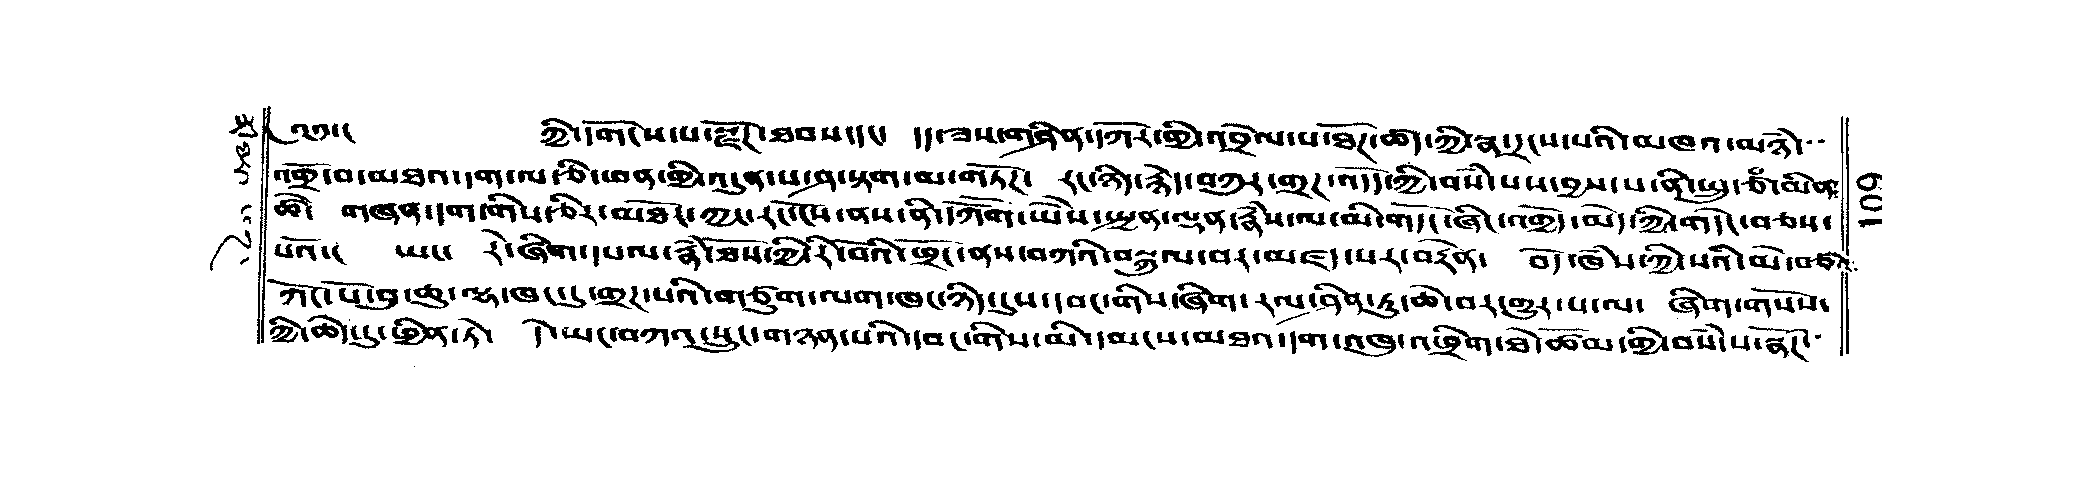ཀྱི་དགོངས་པ་རྫོགས་ཐབས་དང་། དད་ཟས་གཤིན་དཀོར་གྱི་འབྲེལ་པ་ཐོགས་ཚད་ཀྱི་སྣ་དྲངས་པའི་མཁའ་མཉམ་
འགྲོ་བ་མཐའ་དག་ལ་ཅི་ཕན་གྱི་འདུན་པ་ཤ་སྟག་མ་གཏོགས། རང་ཉིད་རྙེད་བཀུར་གྲགས་འདོད་ཀྱི་བསམ་པས་བྱས་པ་ནི་སྤུ་ཙམ་མིན་
ཚེ། གཞན་དག་གིས་ཅིར་མཐོང་ཀྱང་རང་ངོས་ནས་ནི་དཀོན་མཆོག་ཡེ་ཤེས་སྤྱན་ལྡན་རྣམས་ལ་མི་གནོང་ཞིང་འགྱོད་མེད་ཀྱི་གདེང་དང་བཅས་
པའོ། ཡང་རེ་ཞིག་དཔལ་རྣམ་ཐོས་ཀྱི་རི་བོའི་ཕོ་བྲང་ནས་བཀས་བསྐུལ་བར་མཛད་པར་བརྟེན། བོད་ཁམས་ཀྱི་སའི་མེ་བཙའ་
ཀོང་པོ་བུ་ཆུ་ལྷ་ཁང་དུ་གྲགས་པའི་གཙུག་ལག་ཁང་ཉིད་དུས་དབང་གིས་ཞིག་རལ་ཤིན་ཏུ་ཆེ་བར་གྱུར་པ་ལ། ཞིག་གསོས་
ཀྱི་ཆེད་དུ་ཕྱིན་ཏེ། དེ་ཡང་བཀའ་སྲུང་གཉན་པའི་དབང་གིས་མི་དམངས་མཐའ་དག་འཁུ་འཕྲིག་ཐེ་ཚོམ་གྱི་བསམ་པ་སྣ་ཚོགས་